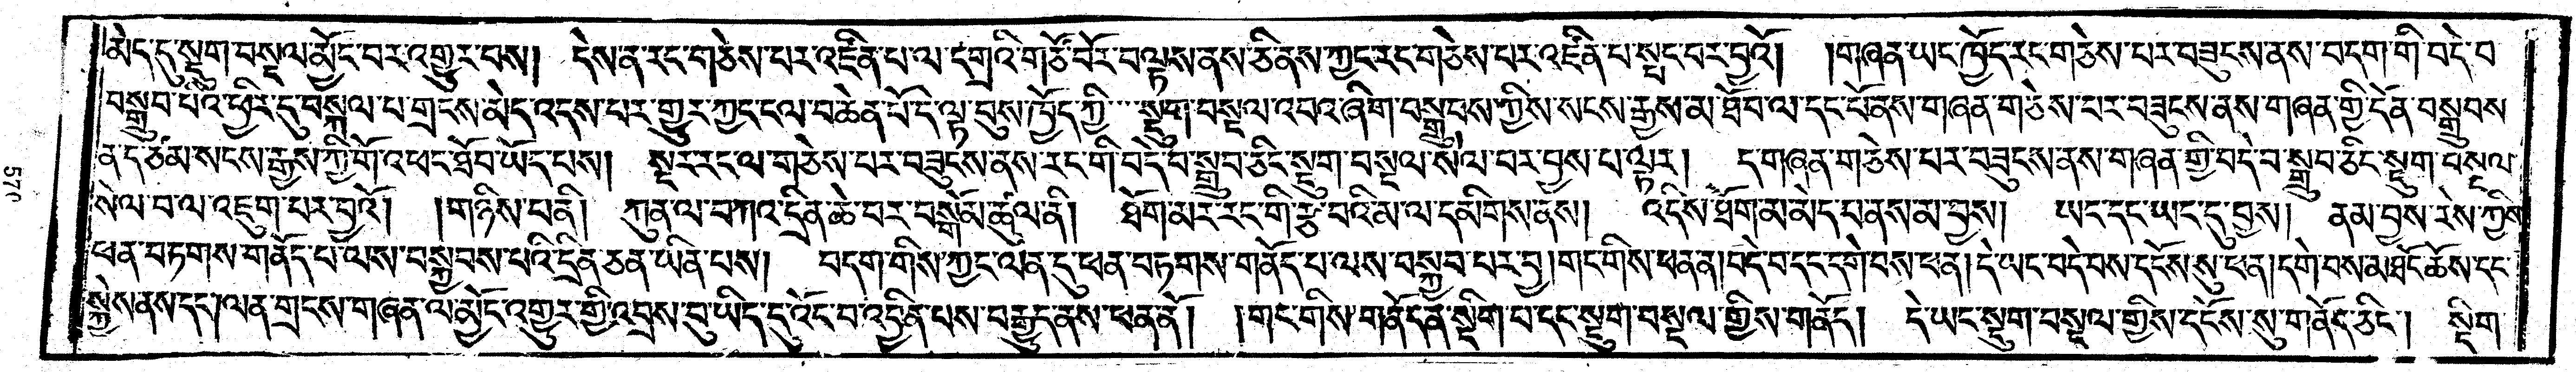མེད་དུ་སྡུག་བསྔལ་མྱོང་བར་འགྱུར་བས། དེས་ན་རང་གཅེས་པར་འཛིན་པ་ལ་དགྲའི་གཙོ་བོར་བལྟས་ནས་ཅི་ནས་ཀྱང་རང་གཅེས་པར་འཛིན་པ་སྤང་བར་བྱའོ། །གཞན་ཡང་ཁྱོད་རང་གཅེས་པར་བཟུངས་ནས་བདག་གི་བདེ་བ་
བསྒྲུབ་པའི་ཕྱིར་དུ་བསྐལ་པ་གྲངས་མེད་འདས་པར་གྱུར་ཀྱང་ངལ་བ་ཆེན་པོ་དེ་ལྟ་བུས་ཁྱོད་ཀྱི་སྡུག་བསྔལ་འབའ་ཞིག་བསྒྲུབས་ཀྱིས་སངས་རྒྱས་མ་ཐོབ་ལ་དང་པོ་ནས་གཞན་གཅེས་པར་བཟུངས་ནས་གཞན་གྱི་དོན་བསྒྲུབས་
ན་ད་ཙམ་སངས་རྒྱས་ཀྱི་གོ་འཕང་ཐོབ་ཡོད་པས། སྔར་རང་ལ་གཅེས་པར་བཟུངས་ནས་རང་གི་བདེ་བ་སྒྲུབ་ཅིང་སྡུག་བསྔལ་སེལ་བར་བྱས་པ་ལྟར། ད་གཞན་གཅེས་པར་བཟུངས་ནས་གཞན་གྱི་བདེ་བ་སྒྲུབ་ཅིང་སྡུག་བསྔལ་
སེལ་བ་ལ་འཇུག་པར་བྱའོ། །གཉིས་པ་ནི། ཀུན་ལ་བཀའ་དྲིན་ཆེ་བར་བསྒོམ་ཚུལ་ནི། ཐོག་མར་རང་གི་རྩ་བའི་མ་ལ་དམིགས་ནས། འདིས་ཐོག་མ་མེད་པ་ནས་མ་བྱས། ཡང་དང་ཡང་དུ་བྱས། ནམ་བྱས་རེས་ཀྱིས་
ཕན་བཏགས་གནོད་པ་ལས་བསྐྱབས་པའི་དྲིན་ཅན་ཡིན་པས། བདག་གིས་ཀྱང་ལན་དུ་ཕན་བཏགས་གནོད་པ་ལས་བསྐྱབ་པར་བྱ་།གང་གིས་ཕན་ན། བདེ་བ་དང་དགེ་བས་ཕན། དེ་ཡང་བདེ་བས་དངོས་སུ་ཕན། དགེ་བས་མཐོང་ཆོས་དང་
སྐྱེས་ནས་དང་། ལན་གྲངས་གཞན་ལ་མྱོང་འགྱུར་གྱི་འབྲས་བུ་ཡིད་དུ་འོང་བ་འབྱིན་པས་བརྒྱུད་ནས་ཕན་ནོ། །གང་གིས་གནོད་ན་སྡིག་པ་དང་སྡུག་བསྔལ་གྱིས་གནོད། དེ་ཡང་སྡུག་བསྔལ་གྱིས་དངོས་སུ་གནོད་ཅིང་། སྡིག་